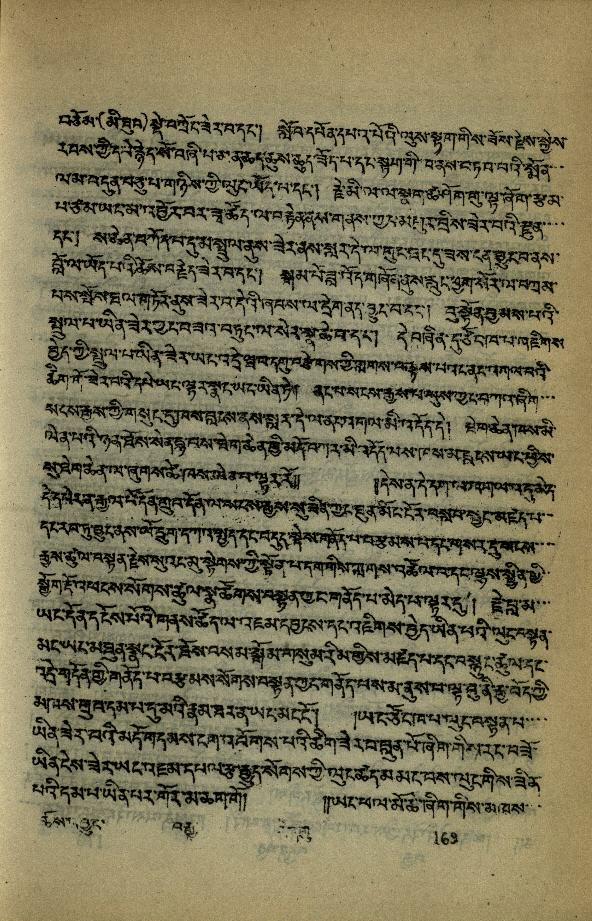བཅོམ་མི་ཐུབ་སྡེ་བཀྲོང་ཟེར་བ་དང་། སློབ་དཔོན་དཔའ་པོའི་ལུས་སྟག་གིས་ཟོས་རྫེས་སྐྱེས་
རབས་ཀྱི་དཔེ་རྙེད་སོ་བཞི་པ་མན་ཆད་ཆུས་ཆུད་ཟོད་པ་དང་སྟག་གི་བ་ནས་བཏབ་པའི་སྨོན་
ལམ་བདུན་བཅུ་པ་གཉིས་ཀྱི་ལུང་ཡོད་པ་དང་། རྗེ་མི་ལ་ལ་སྣག་ཚ་ཤོག་གུ་ལྟ་ཞོག་རྩམ་
པ་ཙམ་ཡང་མ་འབྱོར་བར་ཟྭ་ཚོད་ལ་བརྟེན་ནས་གནས་ཀྱང་མགུར་བྲིས་ཟེར་བའི་རྫུན་
དང་། ས་ཆེན་བཀོད་པ་དུ་མ་སྤྲུལ་ནུས་ཟེར་ནས་སླར་དེ་ལ་གུང་ཐང་དུ་ཟས་ངན་བྱུང་བ་ནས་
བློ་ལ་ཡོད་པའི་ཆོས་བརྗེད་ཟེར་བ་དང་། སྒམ་པོ་ཟླ་འོད་གཞོན་ནུས་རླུང་ཕྱག་སོར་ལ་བཀྲམ་
པས་སྤོས་ཐལ་གཏོར་ནུས་ཟེར་བ་དེའི་ཞབས་ལ་དྲེག་ནད་བྱུང་བ་དང་། བུ་སྟོན་བྱམས་པའི་
སྤྲུལ་པ་ཡིན་ཟེར་ཀྱང་བཟའ་བཏུང་ལ་སེར་སྣ་ཆེ་བ་དང་། དེ་བཞིན་དུ་ཙོང་ཁ་པ་འཇིགས་
བྱེད་ཀྱི་སྤྲུལ་པ་ཡིན་ཟེར་ཡང་འདྲེ་ཝ་བ་དགུ་བརྩེགས་ཀྱི་ཀླགས་བལྟས་པའང་ནང་འགལ་བའི་
ཚིག་གོ་ཟེར་བའི་དཔེ་ཡང་ལྟར་སྣང་ཡང་ཡིན་ཏེ། ནང་བ་སངས་རྒྱས་པ་སུས་ཀྱང་བཀའ་ཞིག་
སངས་རྒྱས་ཀྱི་གསུང་དུ་ཁས་བླངས་ནས་སླར་དེ་ལ་ནང་འགལ་མི་འདོད་དེ། ཐེག་ཆེན་ཁས་མི་
ལེན་པའི་ཉན་ཐོས་སེན་དྷ་བས་ཐེག་ཆེན་གྱི་མདོ་བབ་ར་མི་འདོད་པས་ཁས་མ་བླངས་ཡང་ཕྱིས་
སུ་ཐེག་ཆེན་ལ་ཞུགས་ཚེ་ཁས་ལེན་པ་ལྟར་རོ།། །།དེས་ན་དེ་དག་ལ་འགལ་འདུ་མེད་
དེ་དཔེར་ན་རྒྱལ་པོ་དོན་གྲུབ་དོན་ལ་སངས་རྒྱས་སུ་ཟིན་ཀྱང་ཐུན་མོང་ངོར་བསླབ་སྦྱང་མཛད་པ་
དང་རབ་ཏུ་བྱུང་ནས་ལོ་དྲུག་དཀའ་སྤྱད་དང་བདུད་སྡེས་གནོད་པ་བརྩམས་པ་དང་གསར་དུ་སངས་
རྒྱས་ཚུལ་བསྟན་རྗེས་སུའང་མུ་སྟེགས་ཀྱི་སྟོན་པ་དག་གིས་ཀླགས་འཚོལ་བ་དང་ལྷས་སྦྱིན་གྱི་
སྒྱོག་རྡོ་འཕངས་སོགས་ཚུལ་སྣ་ཚོགས་བསྟན་ཀྱང་གནོད་པ་མེད་པ་ལྟར་དུ། རྗེ་བླ་མ་
ཡང་དོན་དངོས་པོའི་གནས་ཚོད་ལ་འཇམ་དབྱངས་དང་འཇིགས་བྱེད་ཡིན་པའི་ལུང་བསྟན་
མང་ཡང་མཐུན་སྣང་ངོར་ཐོས་བསམ་སྒོམ་གསུམ་རིམ་གྱིས་མཛད་པ་དང་བསྙུང་ཚུལ་དང་
འདྲེ་གདོན་གྱི་གནོད་པ་བརྩམས་སོགས་བསྟན་ཀྱང་གནོད་པས་མ་ནུས་བ་ལྟ་བུ་ནི་རྒྱ་བོད་ཀྱི་
མཁས་གྲུབ་དམ་པ་དུ་མའི་རྣམ་ཐར་ན་ཡང་མང་ངོ། །ཡང་ཙོང་ཁ་པ་ལུང་བསྟན་པ་
ཡིན་ཟེར་བའི་མདོ་གདམས་ངག་འབོགས་པའི་ཚིག་ཟེར་བ་བླུན་པོ་ཞིག་གིས་རང་བཟོ་
ཡིན་ངེས་ཟེར་ཡང་འཇམ་དཔལ་རྩ་རྒྱུད་སོགས་ཀྱི་ལུང་ཚད་མ་མང་བས་ལུང་གིས་ཟིན་
པའི་དམ་པ་ཡིན་པར་གོར་མ་ཆག་གོ། །།ཡང་ཕལ་མོ་ཆེ་ཞིག་གིས་མཁས་